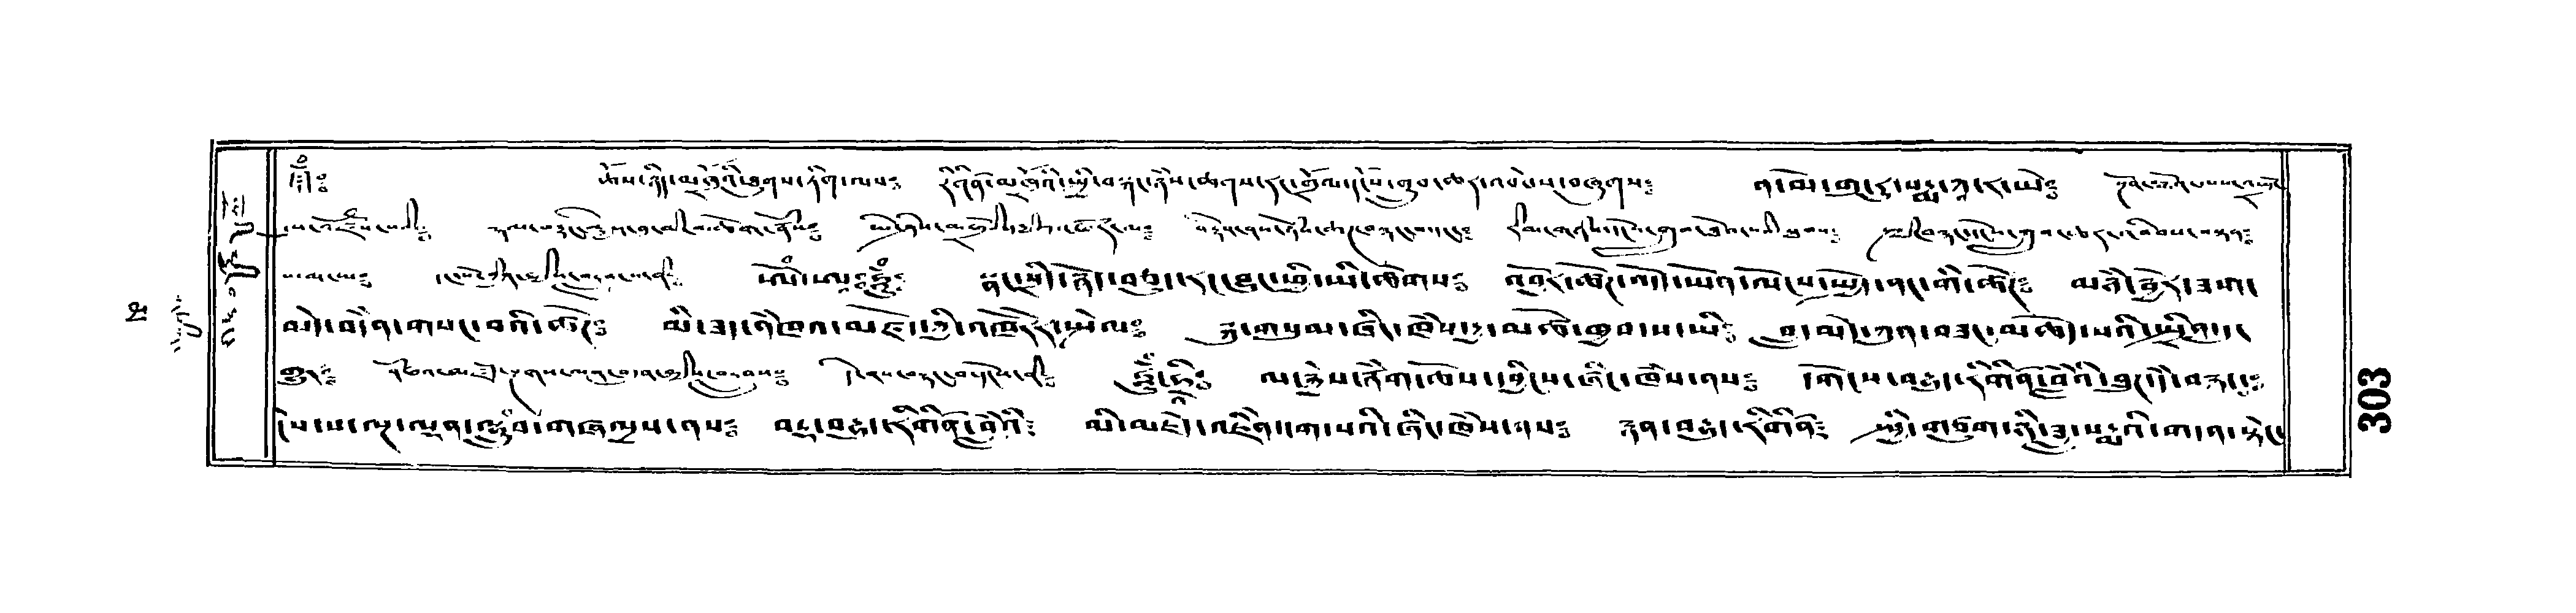ཆོས་ཉིད་མཁའ་འགྲོའི་ཐུགས་ཏིག་ལས༔ རིག་འཛིན་མཁའ་འགྲོའི་སྤྱི་བསྐང་ཉམས་ཆགས་རང་གྲོལ་དངོས་གྲུབ་ཆར་འབེབས་བཞུགས༔ ན་མོ་གུ་རུ་པདྨ་ཀཱ་ར་ཡེ༔ སྔོན་སྨོན་ལས་འཕྲོ་
དུས་འཛོམས་པའི༔ སྐལ་བཟང་སྐྱེས་བུ་མི་མཆོག་རྣམས༔ ཡེ་ཤེས་མཁའ་འགྲོའི་དཀྱིལ་འཁོར་ལ༔ བརྟེན་ནས་ཉམས་ཆགས་བསྐང་བ་དང༔ རིམ་གཉིས་དངོས་གྲུབ་ཐོབ་པའི་ཐབས༔ སྤྱི་བསྐང་དངོས་གྲུབ་ཆར་འབེབས་བསྟན༔ 
ས་མ་ཡ༔ དང་པོ་བྱིན་གྱིས་བརླབ་པ་ནི༔ ཨོཾ་ཨཱཿཧཱུྃ༔ སྣང་སྲིད་སྣོད་བཅུད་རང་བྱུང་ཕྱི་ཡི་ཚོགས༔ འབྱོར་ཚོགས་འདོད་ཡོན་ལོངས་སྤྱོད་ནང་གི་ཚོགས༔ མཉམ་སྦྱོར་ཟག་
མེད་བདེ་ཆེན་གསང་བའི་ཚོགས༔ མི་ཟད་ནམ་མཁའ་མཛོད་ཀྱི་འཁོར་ལོར་སྤེལ༔ སྐུ་གསུམ་ཞིང་ཁམས་རྒྱ་མཚོ་ཁྱབ་པ་ཡི༔ བླ་མེད་ཀུན་བཟང་མཆོད་པའི་སྤྲིན་དུ་
གྱུར༔ ནམ་མཁའ་མཛོད་སྔགས་ལན་བདུན་གྱིས་བརླབས༔ དེ་ནས་བསྐང་བ་དངོས་ནི༔ ཧཱུྃ་ཧྲཱིཿ མ་སྐྱེས་རྣམ་དག་ཆོས་དབྱིངས་ཞིང་ཁམས་ནས༔ དགོངས་བརྒྱུད་རིག་འཛིན་བླ་མའི་ཐུགས་དམ་བསྐང༔ 
ངེས་པ་ལྔ་ལྡན་ལྷུན་གྲུབ་གཞལ་ཡས་ནས༔ བརྡ་བརྒྱུད་རིག་འཛིན་བླ་མའི༴ མི་མཇེད་འཇིག་རྟེན་དག་པའི་ཞིང་ཁམས་ནས༔ སྙན་བརྒྱུད་རིག་འཛིན༴ སྤྱི་གཙུག་ཉི་ཟླ་པདྨའི་གདན་སྟེང་